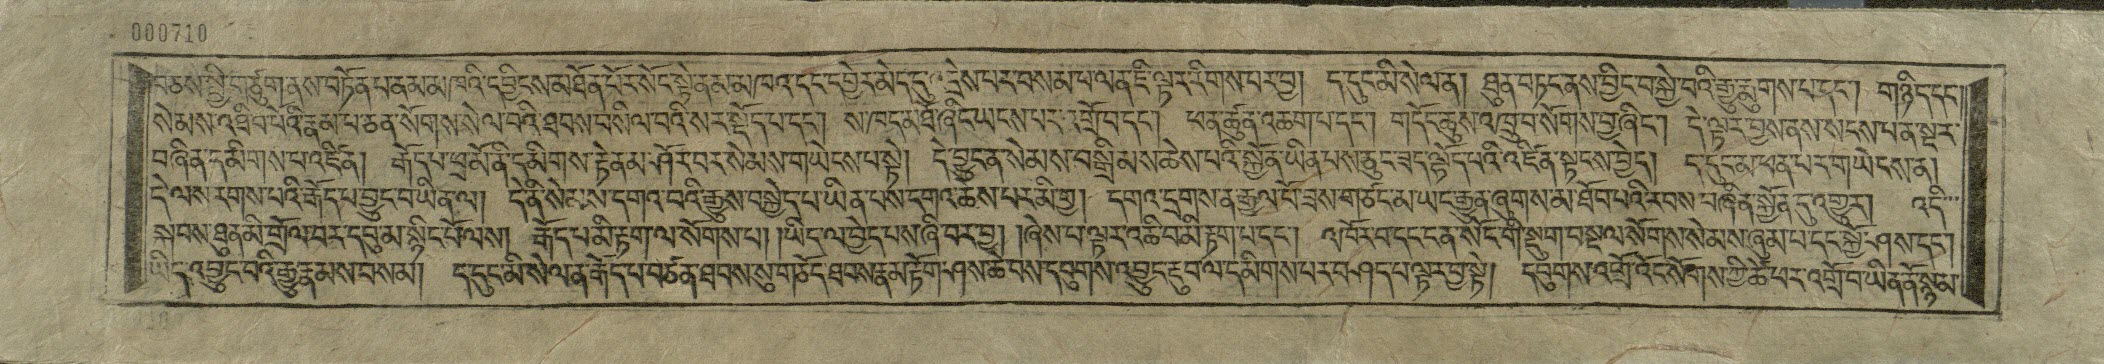བཅས་སྤྱི་གཙུག་ནས་བཏོན་པ་ནམ་མཁའི་དབྱིངས་མཐོན་པོར་སོང་སྟེ་ནམ་མཁའ་དང་དབྱེར་མེད་དུ་འདྲེས་པར་བསམ་པ་ལན་ཇི་ལྟར་རིགས་པར་བྱ། ད་དུང་མི་སེལ་ན། ཐུན་བཏང་ནས་བྱིང་བ་སྐྱེ་བའི་རྒྱུ་རྨུགས་པ་དང་། གཉིད་དང་།
སེམས་འཐིབ་པོའི་རྣམ་པ་ཅན་སོགས་སེལ་བའི་ཐབས་བསིལ་བའི་སར་སྡོད་པ་དང་། ས་ཁད་མཐོ་ཞིང་ཡངས་པར་འགྲོ་བ་དང་། ཕན་ཚུན་འཆག་པ་དང་། གདོང་ཆུས་འཁྲུ་བ་སོགས་བྱ་ཞིང་། དེ་ལྟར་བྱས་ནས་སངས་པ་ན་སྔར་
བཞིན་དམིགས་པ་འཛིན། རྒོད་པ་ཕྲ་མོ་ནི་དམིགས་རྟེན་མ་ཤོར་བར་སེམས་གཡེངས་པ་སྟེ། དེ་བྱུང་ན་སེམས་བསྒྲིམས་ཆེས་པའི་སྐྱོན་ཡིན་པས་ཅུང་ཟད་ལྷོད་པའི་འཛིན་སྟངས་བྱེད། ད་དུང་མ་ཕན་པར་གཡེངས་ན།
དེ་ལས་རགས་པའི་རྒོད་པ་བྱུང་བ་ཡིན་ལ། དེ་ནི་སེམས་དགའ་བའི་རྒྱུས་བསྐྱེད་པ་ཡིན་པས་དགའ་ཆེས་པར་མི་བྱ། དགའ་དྲགས་ན་རྒྱལ་པོ་ཟས་གཙང་མ་ཡང་རྒྱུན་ཞུགས་མ་ཐོབ་པའི་རབས་བཞིན་སྐྱོན་དུ་འགྱུར། འདི་
སྐབས་ཐུན་མི་གྲོལ་བར་དབུ་མ་སྙིང་པོ་ལས། རྒོད་པ་མི་རྟག་ལ་སོགས་པ། །ཡིད་ལ་བྱེད་པས་ཞི་བར་བྱ། །ཞེས་པ་ལྟར་འཆི་བ་མི་རྟག་པ་དང་། འཁོར་བ་དང་ངན་སོང་གི་སྡུག་བསྔལ་སོགས་སེམས་ཞུམ་པ་དང་སྐྱོ་ཤས་དང་།
ཡིད་འབྱུང་བའི་རྒྱུ་རྣམས་བསམ། ད་དུང་མི་སེལ་ན་རྒོད་པ་བཙན་ཐབས་སུ་གཅོད་ཐབས་རྣམ་རྟོག་ཤས་ཆེ་བས་དབུགས་འབྱུང་རྡུབ་ལ་དམིགས་པར་བཤད་པ་ལྟར་བྱ་སྟེ། དབུགས་འགྲོ་འོང་སོགས་ཀྱི་ཚེ་ཕར་འགྲོ་བ་ཡིན་ནོ་སྙམ་